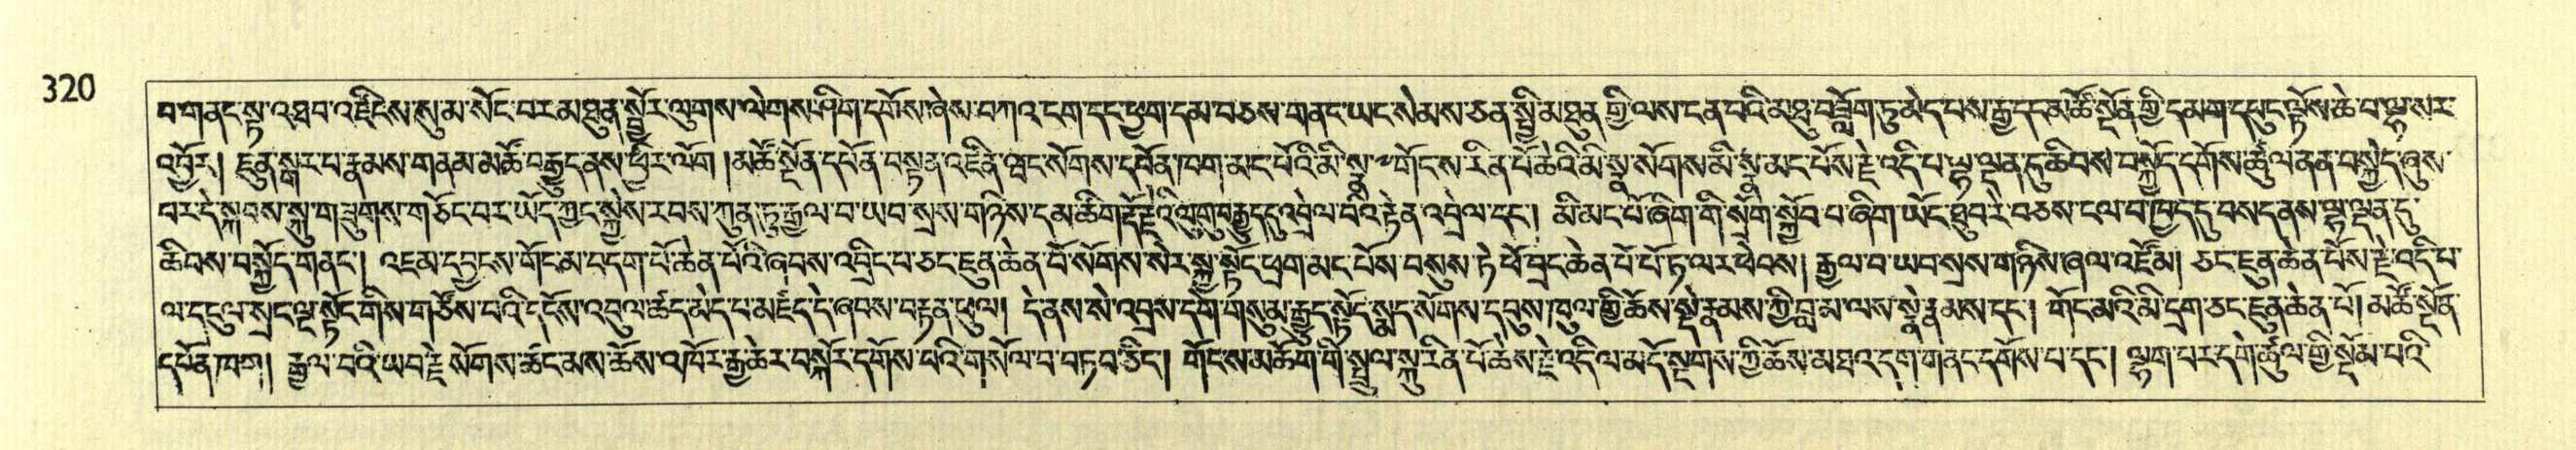བ་གནང་སྟ་འཐབ་འཛིངས་སུ་མ་སོང་བར་མཐུན་སྦྱོར་ལུགས་ལེགས་ཤིག་དགོས་ཞེས་བཀའ་ངག་དང་ཕྱག་དམ་བཅས་གནང་ཡང་སེམས་ཅན་སྤྱི་མཐུན་གྱི་ལས་ངན་པའི་མཐུ་བཟློག་ཏུ་མེད་པས་རྒྱ་དང་མཚོ་སྔོན་གྱི་དམག་དཔུང་ལྟོས་ཆེ་བ་ལྷ་སར་
འབྱོར། ཇུན་སྒར་པ་རྣམས་གནམ་མཚོ་བརྒྱུད་ནས་ཕྱིར་ལོག །མཚོ་སྔོན་དཔོན་བསྟན་འཛིན་ཝང་སོགས་དབོན་ཁག་མང་པོའི་མི་སྣ་༧་གོང་ས་རིན་པོ་ཆེའི་མི་སྣ་སོགས་མི་སྣ་མང་པོས་རྗེ་འདི་པ་ལྷ་ལྡན་དུ་ཆིབས་བསྐྱོད་དགོས་ཚུལ་ནན་བསྐྱེད་ཞུས་
པར་དེ་སྐབས་སྐུ་གཟུགས་གཅོང་བར་ཡོད་ཀྱང་སྐྱེས་རབས་ཀུན་ཏུ་རྒྱལ་བ་ཡབ་སྲས་གཉིས་དམ་ཚིག་རྡོ་རྗེའི་ལུ་གུ་བརྒྱུད་དུ་འབྲེལ་བའི་རྟེན་འབྲེལ་དང་། མི་མང་པོ་ཞིག་གི་སྲོག་སྐྱོབ་པ་ཞིག་ཡོང་ཐུབ་རེ་བཅས་ངལ་བ་ཁྱད་དུ་བསད་ནས་ལྷ་ལྡན་དུ་
ཆིབས་བསྐྱོད་གནང་། འཇམ་དབྱངས་གོང་མ་བདག་པོ་ཆེན་པོའི་ཞབས་འབྲིང་བ་ཅང་ཇུན་ཆེན་པོ་སོགས་སེར་སྐྱ་སྟོང་ཕྲག་མང་པོས་བསུས་ཏེ་ཕོ་བྲང་ཆེན་པོ་པོ་ཏ་ལར་ཕེབས། རྒྱལ་བ་ཡབ་སྲས་གཉིས་ཞལ་འཛོམ། ཅང་ཇུན་ཆེན་པོས་རྗེ་འདི་པ་
ལ་དངུལ་སྲང་ལྔ་སྟོང་གིས་གཙོས་པའི་དངོས་འབུལ་ཚད་མེད་པ་མཛད་དེ་ཞབས་བརྟན་ཕུལ། དེ་ནས་སེ་འབྲས་དགེ་གསུམ་རྒྱུད་སྟོད་སྨད་སོགས་དབུས་ཁུལ་གྱི་ཆོས་སྡེ་རྣམས་ཀྱི་བླ་མ་ལས་སྣེ་རྣམས་དང་། གོང་མའི་མི་དྲག་ཅང་ཇུན་ཆེན་པོ། མཚོ་སྔོན་
དཔོན་ཁག། རྒྱལ་བའི་ཡབ་རྗེ་སོགས་ཚང་མས་ཆོས་འཁོར་རྒྱ་ཆེར་བསྐོར་དགོས་པའི་གསོལ་བ་བཏབ་ཅིང་། གོང་ས་མཆོག་གི་སྤྲུལ་སྐུ་རིན་པོ་ཆེས་རྗེ་འདི་ལ་མདོ་སྔགས་ཀྱི་ཆོས་མཐའ་དག་གནང་དགོས་པ་དང་། ལྷག་པར་དགེ་ཚུལ་གྱི་སྡོམ་པའི་